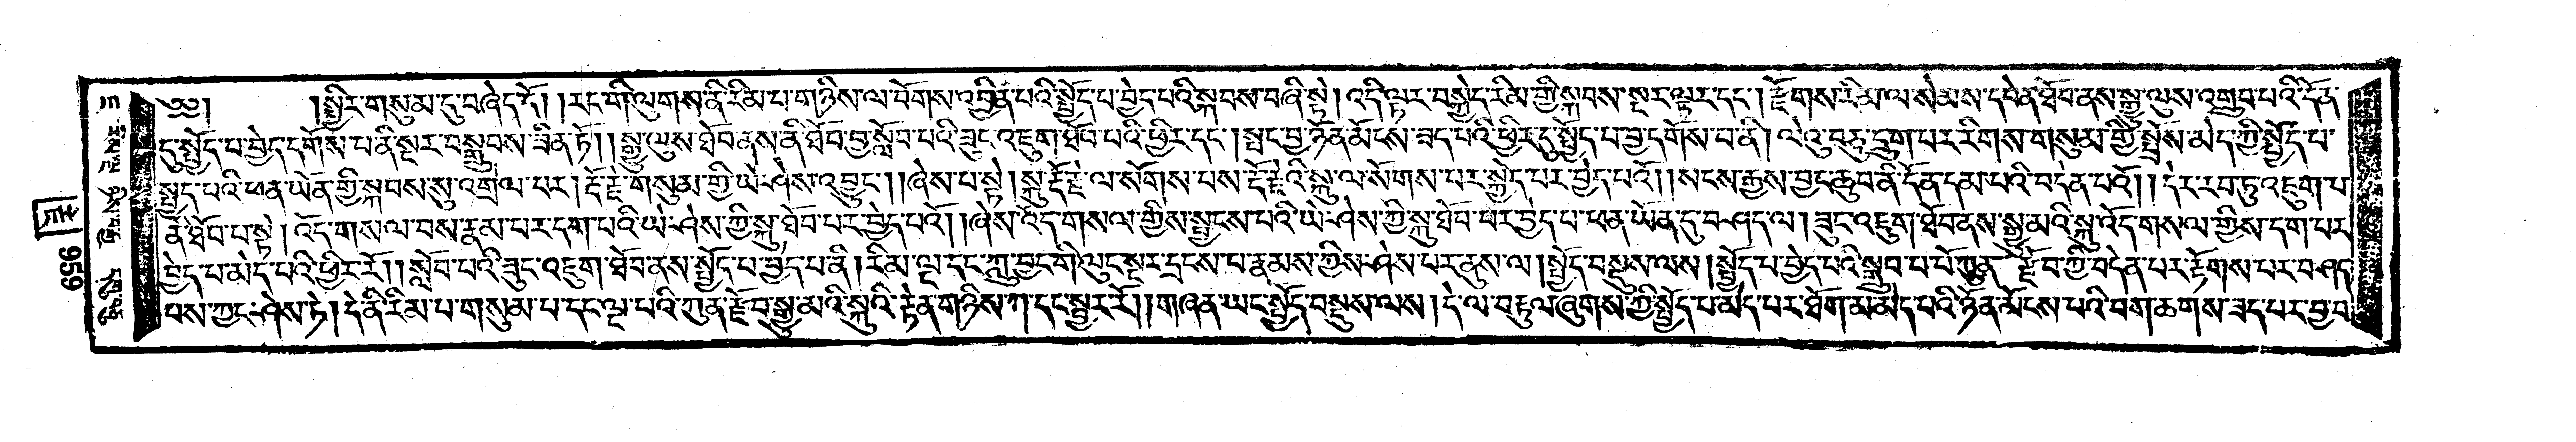༄༅། །སྤྱིར་གསུམ་དུ་བཞེད་དོ། །རང་གི་ལུགས་ནི་རིམ་པ་གཉིས་ལ་བོགས་འབྱིན་པའི་སྤྱོད་པ་བྱེད་པའི་སྐབས་བཞི་སྟེ། འདི་ལྟར་བསྐྱེད་རིམ་གྱི་སྐབས་སྔར་ལྟར་དང་། རྫོགས་རིམ་ལ་སེམས་དབེན་ཐོབ་ནས་སྒྱུ་ལུས་འགྲུབ་པའི་དོན་
དུ་སྤྱོད་པ་བྱེད་དགོས་པ་ནི་སྔར་བསྒྲུབས་ཟིན་ཏོ། །སྒྱུ་ལུས་ཐོབ་ནས་ནི་ཐོབ་བྱ་སློབ་པའི་ཟུང་འཇུག་ཐོབ་པའི་ཕྱིར་དང་། སྤང་བྱ་ཉོན་མོངས་ཟད་པའི་ཕྱིར་དུ་སྤྱོད་པ་བྱ་དགོས་པ་ནི། ལེའུ་བཅུ་དྲུག་པར་རིགས་གསུམ་གྱི་སྤྲོས་མེད་ཀྱི་སྤྱོད་པ་
སྤྱད་པའི་ཕན་ཡོན་གྱི་སྐབས་སུ་འགྲེལ་པར། རྡོ་རྗེ་གསུམ་གྱི་ཡེ་ཤེས་འབྱུང་། །ཞེས་པ་སྟེ། སྐུ་རྡོ་རྗེ་ལ་སོགས་པས་རྡོ་རྗེའི་སྐུ་ལ་སོགས་པར་སྐྱེད་པར་བྱེད་པའོ། །སངས་རྒྱས་བྱང་ཆུབ་ནི་དོན་དམ་པའི་བདེན་པའོ། །དེར་རབ་ཏུ་འཇུག་པ་
ནི་ཐོབ་པ་སྟེ། འོད་གསལ་བས་རྣམ་པར་དག་པའི་ཡེ་ཤེས་ཀྱི་སྐུ་ཐོབ་པར་བྱེད་པའོ། །ཞེས་འོད་གསལ་གྱིས་སྦྱངས་པའི་ཡེ་ཤེས་ཀྱི་སྐུ་ཐོབ་པར་བྱེད་པ་ཕན་ཡོན་དུ་བཤད་ལ། ཟུང་འཇུག་ཐོབ་ནས་སྒྱུ་མའི་སྐུ་འོད་གསལ་གྱིས་དག་པར་
བྱེད་པ་མེད་པའི་ཕྱིར་རོ། །སློབ་པའི་ཟུང་འཇུག་ཐོབ་ནས་སྤྱོད་པ་བྱེད་པ་ནི། རིམ་ལྔ་དང་ཀླུ་བྱང་གི་ལུང་སྔར་དྲངས་པ་རྣམས་ཀྱིས་ཤེས་པར་ནུས་ལ། སྤྱོད་བསྡུས་ལས། སྤྱོད་པ་བྱེད་པའི་སྒྲུབ་པ་པོ་ཀུན་རྫོབ་ཀྱི་བདེན་པར་རྟོགས་པར་བཤད་
པས་ཀྱང་ཤེས་ཏེ། དེ་ནི་རིམ་པ་གསུམ་པ་དང་ལྔ་པའི་ཀུན་རྫོབ་སྒྱུ་མའི་སྐུའི་རྟེན་གཉིས་ཀ་དང་སྦྱར་རོ། །གཞན་ཡང་སྤྱོད་བསྡུས་ལས། དེ་ལ་བརྟུལ་ཞུགས་ཀྱི་སྤྱོད་པ་མེད་པར་ཐོག་མ་མེད་པའི་ཉོན་མོངས་པའི་བག་ཆགས་ཟད་པར་བྱ་བ་